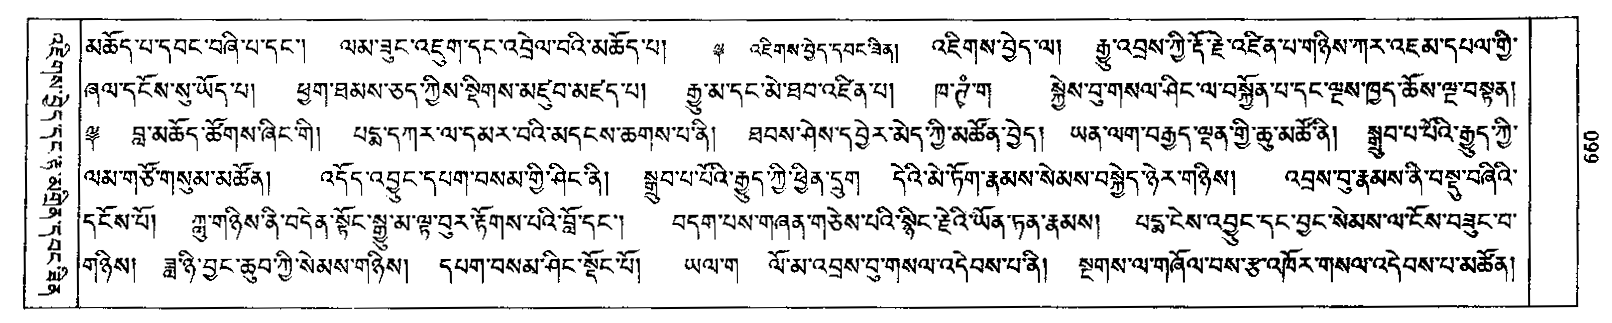མཆོད་པ་དབང་བཞི་པ་དང་། ལམ་ཟུང་འཇུག་དང་འབྲེལ་བའི་མཆོད་པ། ༈ འཇིགས་བྱེད་དབང་ཟིན། འཇིགས་བྱེད་ལ། རྒྱུ་འབྲས་ཀྱི་རྡོ་རྗེ་འཛིན་པ་གཉིས་ཀར་འཇམ་དཔལ་གྱི་
ཞལ་དངོས་སུ་ཡོད་པ། ཕྱག་ཐམས་ཅད་ཀྱིས་སྡིགས་མཛུབ་མཛད་པ། རྒྱུ་མ་དང་མེ་ཐབ་འཛིན་པ། ཁ་ཊྭཾ་ག་སྐྱེས་བུ་གསལ་ཤིང་ལ་བསྐྱོན་པ་དང་ལྔས་ཁྱད་ཆོས་ལྔ་བསྟན།
༈ བླ་མཆོད་ཚོགས་ཞིང་གི། པདམ་དཀར་ལ་དམར་བའི་མདངས་ཆགས་པ་ནི། ཐབས་ཤེས་དབྱེར་མེད་ཀྱི་མཚོན་བྱེད། ཡན་ལག་བརྒྱད་ལྡན་གྱི་ཆུ་མཚོ་ནི། སྒྲུབ་པ་པོའི་རྒྱུད་ཀྱི་
ལམ་གཙོ་གསུམ་མཚོན། འདོད་འབྱུང་དཔག་བསམ་གྱི་ཤིང་ནི། སྒྲུབ་པ་པོའི་རྒྱུད་ཀྱི་ཕྱིན་དྲུག་དེའི་མེ་ཏོག་རྣམས་སེམས་བསྐྱེད་ཉེར་གཉིས། འབྲས་བུ་རྣམས་ནི་བསྡུ་བཞིའི་
དངོས་པོ། ཀླུ་གཉིས་ནི་བདེན་སྟོང་སྒྱུ་མ་ལྟ་བུར་རྟོགས་པའི་བློ་དང་། བདག་པས་གཞན་གཅེས་པའི་སྙིང་རྗེའི་ཡོན་ཏན་རྣམས། པདམ་ངེས་འབྱུང་དང་བྱང་སེམས་ལ་ངོས་བཟུང་བ་
གཉིས། ཟླ་ཉི་བྱང་ཆུབ་ཀྱི་སེམས་གཉིས། དཔག་བསམ་ཤིང་སྡོང་པོ། ཡལ་ག་ལོ་མ་འབྲས་བུ་གསལ་འདེབས་པ་ནི། སྔགས་ལ་གཞོལ་བས་རྩ་འཁོར་གསལ་འདེབས་པ་མཚོན།